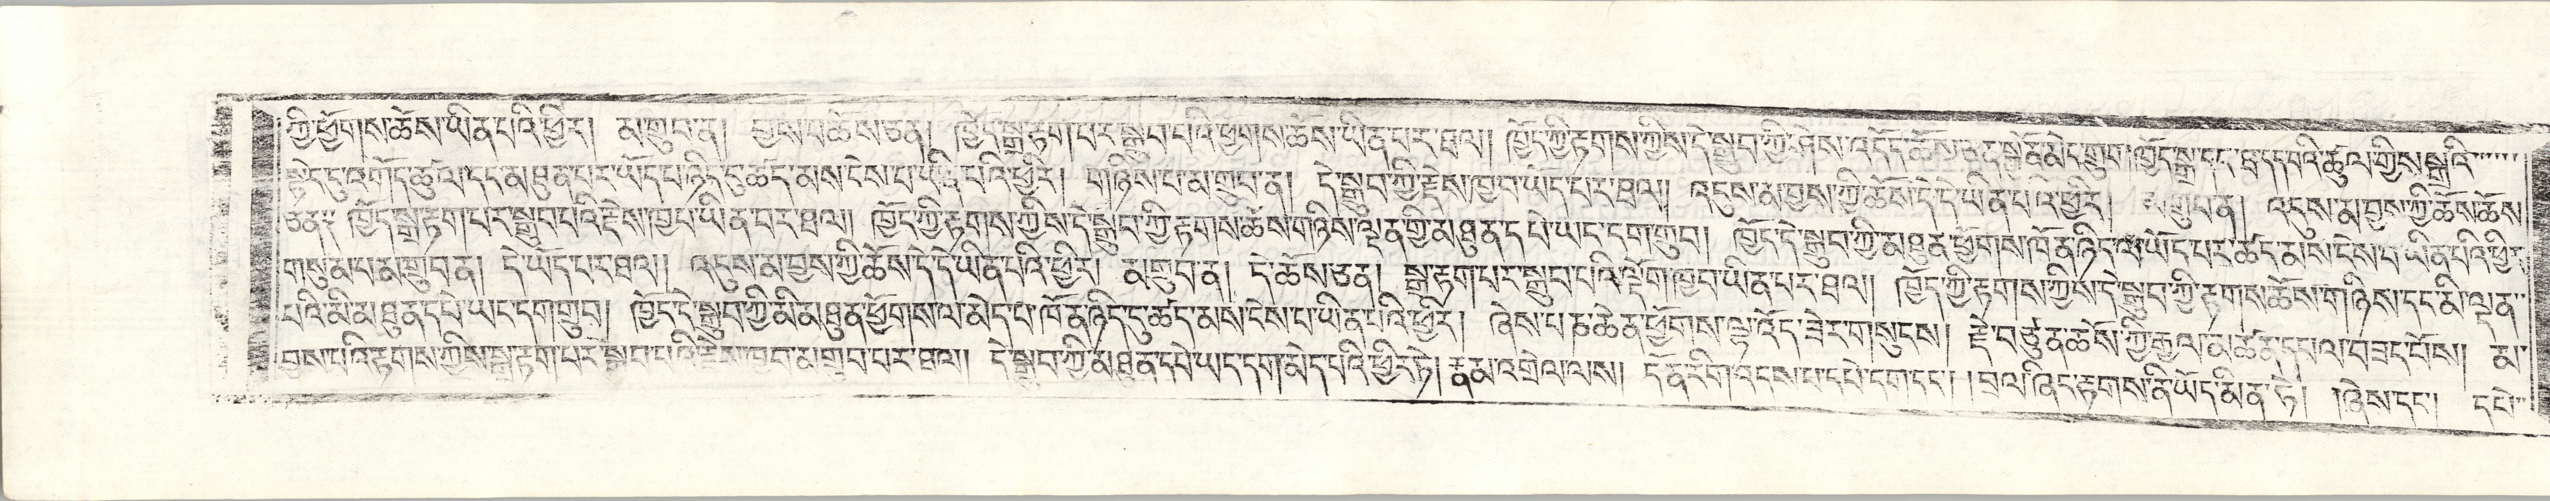ཀྱི་ཕྱོགས་ཆོས་ཡིན་པའི་ཕྱིར། མ་གྲུབ་ན། བྱས་པ་ཆོས་ཅན། ཁྱོད་སྒྲ་རྟག་པར་སྒྲུབ་པའི་ཕྱོགས་ཆོས་ཡིན་པར་ཐལ། ཁྱོད་ཀྱི་རྟགས་ཀྱིས་དེ་སྒྲུབ་ཀྱི་ཤེས་འདོད་ཆོས་ཅན་སྐྱོན་མེད་གྲུབ། ཁྱོད་སྒྲ་དང་ཐ་དད་པའི་ཚུལ་གྱིས་སྒྲའི་
སྟེང་དུ་འགོད་ཚུལ་དང་མཐུན་པར་ཡོད་པ་ཉིད་དུ་ཚད་མས་ངེས་པ་ཡིན་པའི་ཕྱིར། གཉིས་པ་མ་གྲུབ་ན། དེ་སྒྲུབ་ཀྱི་རྗེས་ཁྱབ་ཡོད་པར་ཐལ། འདུས་མ་བྱས་ཀྱི་ཆོས་དེ་དེ་ཡིན་པའི་ཕྱིར། མ་གྲུབ་ན། འདུས་མ་བྱས་ཀྱི་ཆོས་ཆོས་
ཅན། ཁྱོད་སྒྲ་རྟག་པར་སྒྲུབ་པའི་རྗེས་ཁྱབ་ཡིན་པར་ཐལ། ཁྱོད་ཀྱི་རྟགས་ཀྱིས་དེ་སྒྲུབ་ཀྱི་རྟགས་ཆོས་གཉིས་ལྡན་གྱི་མཐུན་དཔེ་ཡང་དག་གྲུབ། ཁྱོད་དེ་སྒྲུབ་ཀྱི་མཐུན་ཕྱོགས་ཉིད་ལ་ཡོད་པར་ཚད་མས་ངེས་པ་ཡིན་པའི་ཕྱིར་
གསུམ་པ་མ་གྲུབ་ན། དེ་ཡོད་པར་ཐལ། འདུས་མ་བྱས་ཀྱི་ཆོས་དེ་དེ་ཡིན་པའི་ཕྱིར། མ་གྲུབ་ན། དེ་ཆོས་ཅན། སྒྲ་རྟག་པར་སྒྲུབ་པའི་ལྡོག་ཁྱབ་ཡིན་པར་ཐལ། ཁྱོད་ཀྱི་རྟགས་ཀྱིས་དེ་སྒྲུབ་ཀྱི་རྟགས་ཆོས་གཉིས་དང་མི་ལྡན་
པའི་མི་མཐུན་དཔེ་ཡང་དག་གྲུབ། ཁྱོད་དེ་སྒྲུབ་ཀྱི་མི་མཐུན་ཕྱོགས་ལ་མེད་པ་ཁོ་ན་ཉིད་དུ་ཚད་མས་ངེས་པ་ཡིན་པའི་ཕྱིར། ཞེས་པཎ་ཆེན་ཕྱོགས་ལྷ་འོད་ཟེར་གྱི་གསུངས། རྗེ་བཙུན་ཆོས་ཀྱི་རྒྱལ་མཚན་དཔལ་བཟང་པོས། མ་
བྱས་པའི་རྟགས་ཀྱིས་སྒྲ་རྟག་པར་སྒྲུབ་པའི་རྗེས་ཁྱབ་མ་གྲུབ་པར་ཐལ། དེ་སྒྲུབ་ཀྱི་མཐུན་དཔེ་ཡང་དག་མེད་པའི་ཕྱིར་ཏེ། རྣམ་འགྲེལ་ལས། དོན་རིག་འདས་པ་དཔེ་དག་དང་། །བྲལ་ཞིང་རྟགས་ནི་ཡོད་མིན་ཏེ། །ཞེས་དང་། དཔེ་